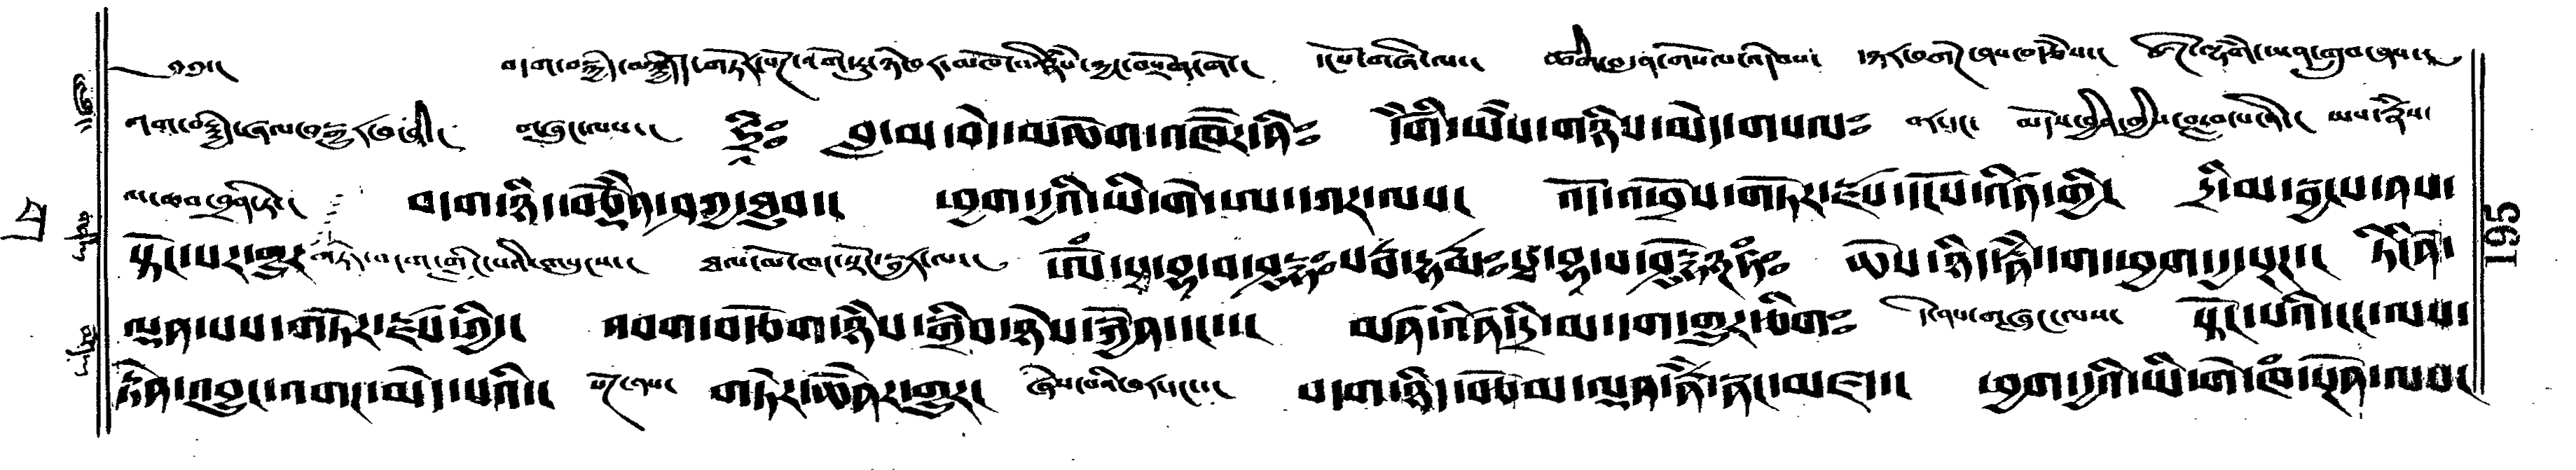བདག་བསྐྱེད་མདུན་བསྐྱེད་གཏོར་བསྔོ་སོགས་འོག་ཏུ་ཉེ་བར་མཁོ་བ་རྣམས་ཀྱང་བསྡོག་གོ དངོས་གཞི་ལ། ཚིག་བདུན་གསོལ་འདེབས། དཀར་བགེགས་ནས་བརྩམས། ཚོགས་ལྷག་མ་ཡན་གྲུབ་ནས། 
བདག་བསྐྱེད་ཞལ་བསྒྱུར་བ་ནི། གཞུང་ལས། ཧྲཱི༔ བླ་མ་བདེ་མཆོག་འཁོར་ལོ་ནི༔ ནས། དམ་ཚིག་ཡེ་ཤེས་གཉིས་མེད་གསལ༔ བར་དང་། མདོས་བྱིན་གྱིས་རློབ་པ་ནི། ཡས་རྣམས་
ལ་ཆབ་བྲན་ཏེ། ཐལ་མོ་ཁོང་སྟོང་སྦྱར་ལ། བདག་ཉིད་བཅོམ་ལྡན་ཤཱཀྱ་ཐུབ། །ཕྱག་རྒྱའི་ཡི་གེ་ཨ་དཀར་ལས། །འོད་འཕྲོས་གཏོར་རྫས་དངོས་འཛིན་གྱི། །དྲི་མ་སྦྱངས་ནས་
སྟོང་པར་གྱུར། །ཨོཾ་སྭ་བྷཱ་ཝ་ཤུདྡྷཿསརྦ་དྷརྨཿསྭ་བྷཱ་ཝ་ཤུདྡྷོ྅་ཧཾཿ ཆོས་ཉིད་རྣམ་དག་ཕྱག་རྒྱ་སྔགས། །ཏིང་འཛིན་
ལྡན་པས་གཏོར་རྫས་ཀྱི། །བག་བཙོག་ཉམས་སྒྲིབ་ཉེས་སྐྱོན་དང་། །མཚན་འཛིན་དྲི་མ་དག་གྱུར་ཅིག དེ་ནས་གཞུང་ལས། སྟོང་པའི་ངང་ལས་
རྟེན་འབྱུང་འགགས་མེད་པའི། སོགས་ནས། གཏེར་ཆེན་པོར་གྱུར། ཞེས་པའི་བར་དང་། བདག་ཉིད་བཅོམ་ལྡན་རྣམ་སྣང་མཛད། །ཕྱག་རྒྱའི་ཡི་གེ་ཁཾ་སྔོན་ལས།